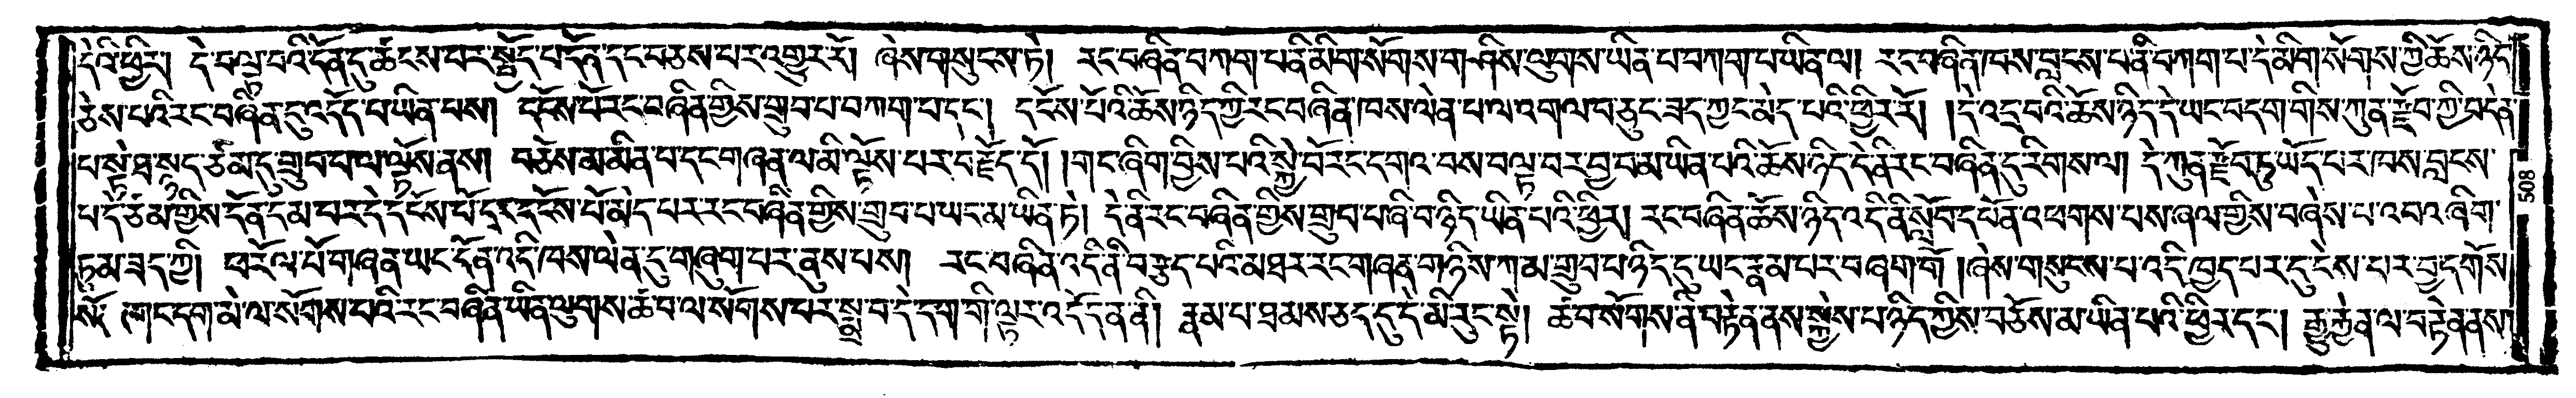དེའི་ཕྱིར། དེ་བལྟ་བའི་དོན་དུ་ཚངས་པར་སྤྱོད་པ་དོན་དང་བཅས་པར་འགྱུར་རོ། ཞེས་གསུངས་ཏེ། རང་བཞིན་བཀག་པ་ནི་མིག་སོགས་གཤིས་ལུགས་ཡིན་པ་བཀག་པ་ཡིན་ལ། རང་བཞིན་ཁས་བླངས་པ་ནི་བཀག་པ་དེ་མིག་སོགས་ཀྱི་ཆོས་ཉིད་
ཅེས་པའི་རང་བཞིན་དུ་འདོད་པ་ཡིན་པས། དངོས་པོ་རང་བཞིན་གྱིས་གྲུབ་པ་བཀག་པ་དང་། དངོས་པོའི་ཆོས་ཉིད་ཀྱི་རང་བཞིན་ཁས་ལེན་པ་ལ་འགལ་བ་ཅུང་ཟད་ཀྱང་མེད་པའི་ཕྱིར་རོ། །དེ་འདྲ་བའི་ཆོས་ཉིད་དེ་ཡང་བདག་གིས་ཀུན་རྫོབ་ཀྱི་བདེན་
པ་སྟེ་ཐ་སྙད་ཙམ་དུ་གྲུབ་པ་ལ་ལྟོས་ནས། བཅོས་མ་མིན་པ་དང་གཞན་ལ་མི་ལྟོས་པར་བརྗོད་དོ། །གང་ཞིག་བྱིས་པའི་སྐྱེ་བོ་རང་དགའ་བས་བལྟ་པར་བྱ་བ་མ་ཡིན་པའི་ཆོས་ཉིད་དེ་ནི་རང་བཞིན་དུ་རིགས་ལ། དེ་ཀུན་རྫོབ་ཏུ་ཡོད་པར་ཁས་བླངས་
པ་དེ་ཙམ་གྱིས་དོན་དམ་པར་དེ་དངོས་པོ་དང་དངོས་པོ་མེད་པར་རང་བཞིན་གྱིས་གྲུབ་པ་ཡང་མ་ཡིན་ཏེ། དེ་ནི་རང་བཞིན་གྱིས་གྲུབ་པ་ཞི་བ་ཉིད་ཡིན་པའི་ཕྱིར། རང་བཞིན་ཆོས་ཉིད་འདི་ནི་སློབ་དཔོན་འཕགས་པས་ཞལ་གྱིས་བཞེས་པ་འབའ་ཞིག་
ཏུ་མ་ཟད་ཀྱི། ཕ་རོལ་པོ་གཞན་ཡང་དོན་འདི་ཁས་ལེན་དུ་གཞུག་པར་ནུས་པས། རང་བཞིན་འདི་ནི་བརྩད་པའི་མཐར་རང་གཞན་གཉིས་ཀ་ལ་གྲུབ་པ་ཉིད་དུ་ཡང་རྣམ་པར་བཞག་གོ །ཞེས་གསུངས་པ་འདི་ཁྱད་པར་དུ་ངེས་པར་བྱ་དགོས་
སོ༑ ༑གང་དག་མེ་ལ་སོགས་པའི་རང་བཞིན་ཡིན་ལུགས་ཚ་བ་ལ་སོགས་པར་སྨྲ་བ་དེ་དག་གི་ལྟར་འདོད་ན་ནི། རྣམ་པ་ཐམས་ཅད་དུ་དེ་མི་རུང་སྟེ། ཚ་བ་སོགས་ནི་བརྟེན་ནས་སྐྱེས་པ་ཉིད་ཀྱིས་བཅོས་མ་ཡིན་པའི་ཕྱིར་དང་། རྒྱུ་རྐྱེན་ལ་བརྟེན་ནས་